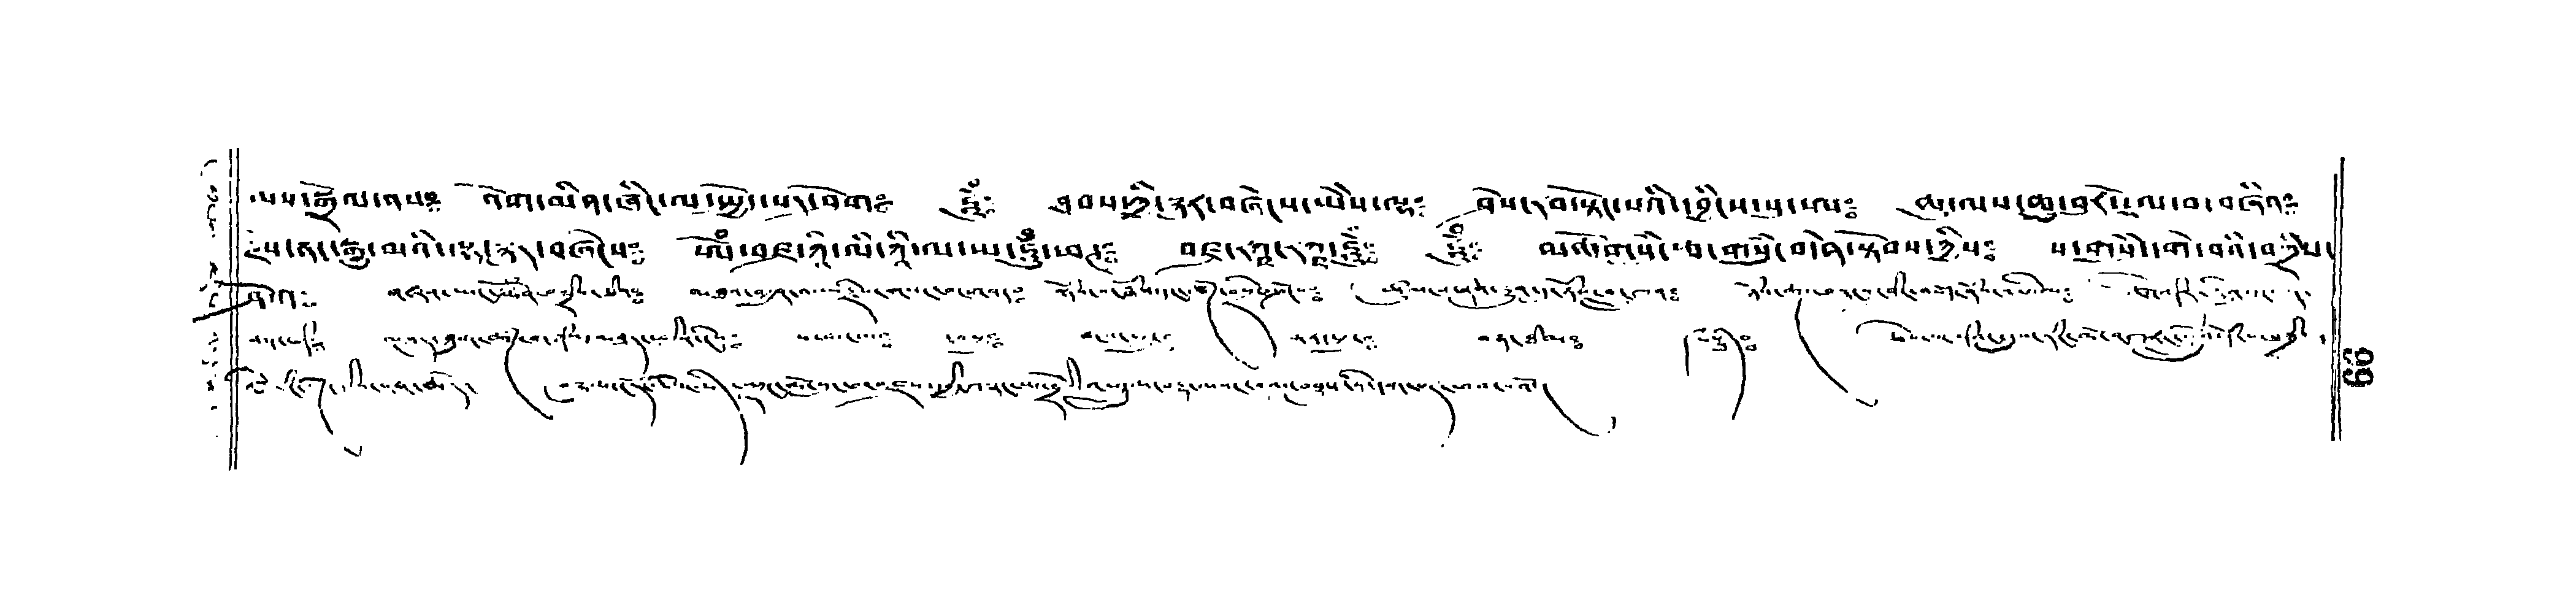ལས་སྒྲོལ་ནས༔ འོག་མིན་ཞིང་ལ་སྤྱོད་པར་ཤོག༔ ཧཱུྃ༔ ཐབས་ཀྱི་སྐུར་བཞེངས་ཡེ་ཤེས་ལྷ༔ ཤེས་རབ་སྟོང་པའི་དབྱིངས་སུ་ཨཱཿ ཆུ་ལས་ཆུ་བུར་རྡོལ་བ་བཞིན༔ 
རྗེས་སྣང་སྒྱུ་མའི་ལྷ་སྐུར་བཞེངས༔ ཨོཾ་བཛྲ་ཀཱི་ལི་ཀཱི་ལ་ཡ་ཧཱུྃ་ཕཊཿ བཛྲ་རཀྵ་རཀྵ་ཧཱུྃ༔ ཧཱུྃ༔ མཆོག་གསུམ་རྩ་གསུམ་བདེན་སྟོབས་ཀྱིས༔ ས་གསུམ་དགེ་བའི་བཀྲ་ཤིས་
ཤོག༔ གཞན་ཡང་སྨོན་ལམ་བཀྲ་ཤིས་ཀྱིས༔ མཐའ་བརྒྱན་ལས་རྗེས་གསང་བ་གནད༔ ཉམས་པ་རྣམས་དང་ཚོགས་བསྲེ་སྤོངས༔ ཚུལ་བཞིན་རྒྱུན་དུ་ཉམས་བླངས་ན༔ ཉམས་ཆགས་བསྐང་ཤིང་བསོད་ནམ་འཕེལ༔ ཚེ་འདིར་རྐྱེན་དང་བར་
ཆད་ཞི༔ མཐར་ཐུག་ཚོགས་གཉིས་མཐར་ཕྱིན་ངེས༔ ས་མ་ཡ༔ ཟབ་རྒྱ༔ གསང་རྒྱ༔ གཏད་རྒྱ༔ བརྡ་ཐིམ༔ ༔ ཅེས་པ་འདིའང་དུས་རིང་མོ་ནས་རང་སློབ་དམ་པ་བཀྲ་ཤིས་
ཚེ་རིང་སོགས་ཀྱིས་ནན་ཆེར་བསྐུལ་ངོར་ཆོས་མེད་སྤྲང་མོ་སུ་ཁ་བཛྲས་དབྱིངས་སྣང་མཁའ་འགྲོའི་འཕྲུལ་བརྡ་ལས་ཞལ་བསྟུས་ཏེ་དག་པར་ཕབ་པའོ།།